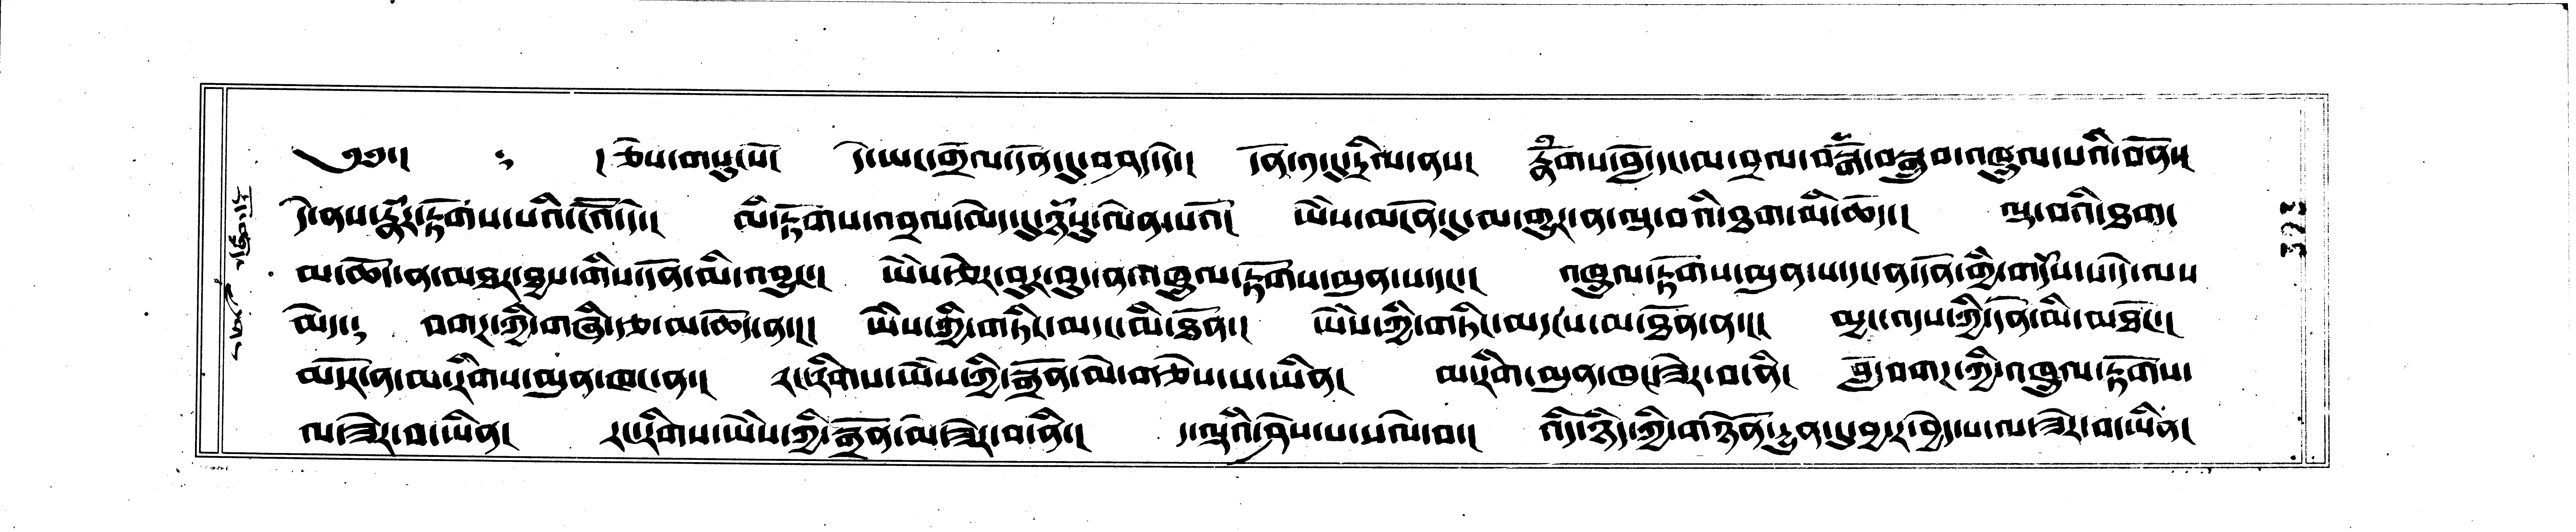ཅེས་གསུངས་སོ། དེ་ཡང་བཀྲོལ་དོན་དུ་བཤད་དེ་དོན་ཅིག་དུ་བསྟན་ན། རྣམ་རྟོག་བློ་དང་མ་བྲལ་བསྒོམ་བསྒྲུབ་འཁྲུལ་པའི་བོན།
 དེ་ནས་རྣམ་རྟོག་འཁྲུལ་པའི་ངོའོ་དེ། མི་རྟོག་འབྲལ་མེད་ངང་དུ་ཉམས་སུ་ལེན་པའོ། ཡེ་ཤེས་མངོན་དུ་མ་གྱུར་ན། ལྟ་བའི་ཐག་མི་ཆོད། ལྟ་བའི་ཐག་
མ་ཆོད་ན། མཐར་ཐུག་གིས་དོན་མི་འབྱུང་། ཡེ་ཤེས་གཅེར་བུར་བུད་ན་འཁྲུལ་རྟོག་མུན་པ་དང། འཁྲུལ་རྟོག་མུན་པ་དང་ན་དོན་གྱིས་གདམས་པ་དེ་ལས་
མེད། བག་ཆགས་ཀྱི་གཞི་རྩ་མ་ཆོད་ན། ཡེ་ཤེས་ཀྱིས་གདེང་མདངས་མི་ཐོན། ཡེ་ཤེས་ཀྱི་གདེང་མདངས་མ་ཐོན་ན། མྱ་འདས་ཀྱིས་དོན་མི་མཐོང་།
 མདོར་ན་མ་རིག་ཀྱིས་མུན་ཁང་ན། རང་རིག་ཡེ་ཤེས་ཀྱི་སྒྲོན་མེ་གཅེས་པ་ཡིན། མ་རིག་མུན་ཁང་ཟེར་བ་ནི། བློ་བག་ཆགས་འཁྲུལ་པ་
ལ་ཟེར་བ་ཡིན། རང་རིག་ཡེ་ཤེས་སྒྲོན་མེ་ཟེར་བ་ནི། ད་ལྟའི་ཤེས་པ་སལེ་བ་འདི་ཉིད་ཀྱིས། གཉེན་པོ་རྒྱུན་དུ་བྱ་ར་བྱེད་པ་ལ་ཟེར་བ་ཡིན།